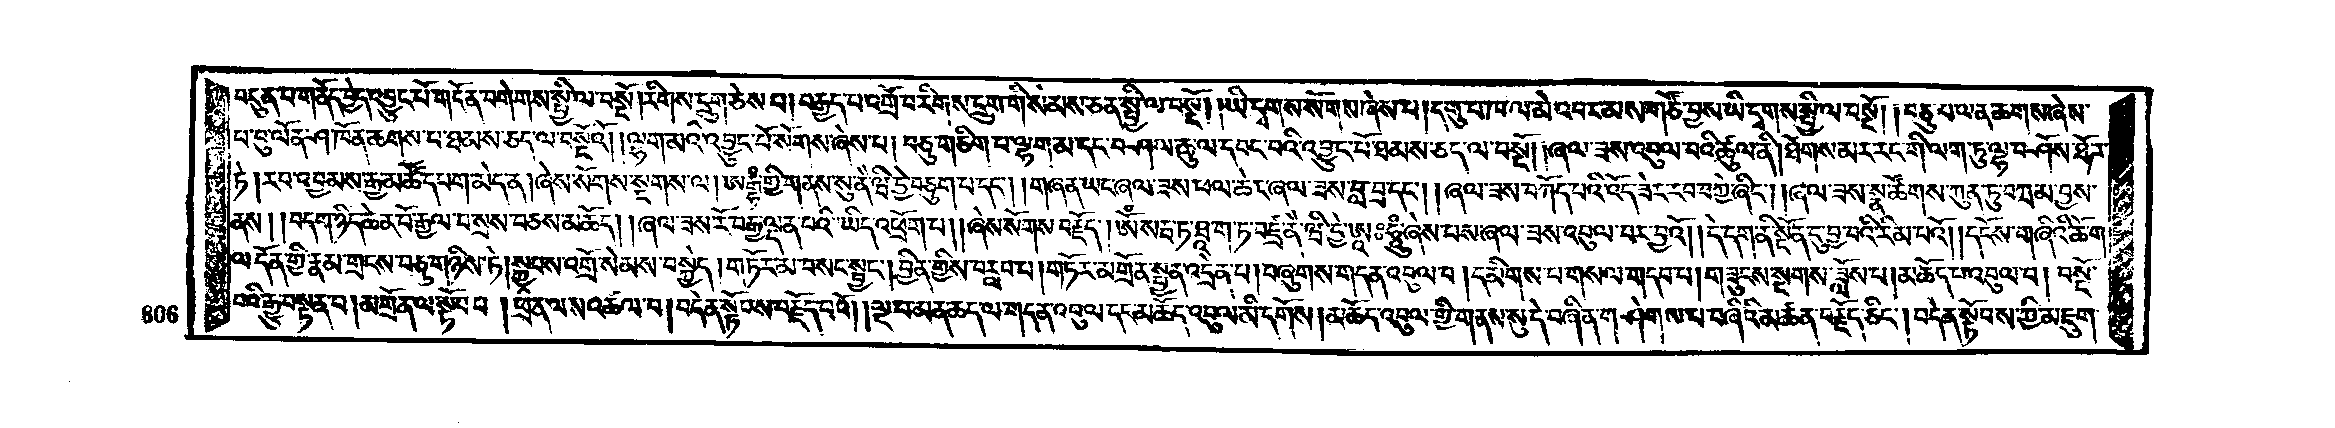བདུན་པ་གནོད་བྱེད་འབྱུང་པོ་གདོན་བགེགས་སྤྱི་ལ་བསྔོ། རིགས་དྲུག་ཅེས་པ། བརྒྱད་པ་འགྲོ་བ་རིགས་དྲུག་གི་སེམས་ཅན་སྤྱི་ལ་བསྔོ། །ཡི་དྭགས་སོགས་ཞེས་པ། དགུ་པ་ཁ་ལ་མེ་འབར་མས་གཙོ་བྱས་ཡི་དྭགས་སྤྱི་ལ་བསྔོ། །བཅུ་པ་ལན་ཆགས་ཞེས་
པ་བུ་ལོན་ཤ་ཁོ་ན་ཆགས་པ་ཐམས་ཅད་ལ་བསྔོའོ། །ལྷག་མའི་འབྱུང་པོ་སོགས་ཞེས་པ། བཅུ་གཅིག་པ་ལྷག་མ་དང་བཤལ་ཆུ་ལ་དབང་བའི་འབྱུང་པོ་ཐམས་ཅད་ལ་བསྔོ། །ཞལ་ཟས་འབུལ་བའི་ཚུལ་ནི། ཐོགས་མར་རང་གི་ལག་ཏུ་ལྷ་བཤོས་ཐོགས་
ཏེ། རབ་འབྱམས་རྒྱ་མཚོ་དཔག་མེད་ན། ཞེས་སོགས་སྔགས་ལ། ཨརྒྷཾ་གྱི་གནས་སུ་ནཻ་ཝི་དྱེ་བཅུག་པ་དང་། །གཞན་ཡང་ཞལ་ཟས་ཕལ་ཆེར་ཞལ་ཟས་བླ་བྲ་དང་། །ཞལ་ཟས་བཀོད་པའི་འོད་ཟེར་རབ་བཀྱེ་ཞིང་། །ཞལ་ཟས་སྣ་ཚོགས་ཀུན་ཏུ་བཀྲམ་བྱས་
ནས། །བདག་ཉིད་ཆེན་པོ་རྒྱལ་བ་སྲས་བཅས་མཆོད། །ཞལ་ཟས་རོ་བརྒྱ་ལྡན་པའི་ཡིད་འཕྲོག་པ། །ཞེས་སོགས་བརྗོད། ཨོཾ་སརྦ་ཏ་ཐཱ་ག་ཏ་བཛྲ་ནཻ་ཝི་དྱེ་ཨཱཿ ཧཱུཾ་ཞེས་པས་ཞལ་ཟས་འབུལ་བར་བྱའོ། །དེ་དག་ནི་སྔོན་དུ་བྱ་བའི་རིམ་པའོ། །དངོས་གཞིའི་ཆོ་ག་
ལ་དོན་གྱི་རྣམ་གྲངས་བཅུ་གཉིས་ཏེ། སྐྱབས་འགྲོ་སེམས་བསྐྱེད། གཏོར་མ་བསང་སྦྱང་། བྱིན་གྱིས་བརླབ་པ། གཏོར་མགྲོན་སྤྱན་འདྲེན་པ། བཞུགས་གདན་འབུལ་བ། དམིགས་པ་གསལ་གདབ་པ། གཟུངས་སྔགས་ཟློས་པ། མཆོད་པ་འབུལ་བ། བསྔོ་
བའི་རྒྱུ་བསྟན་པ། མགྲོན་ལ་སྟོབ་པ། ཕྲིན་ལས་འཚལ་བ། བདེན་སྟོབས་བརྗོད་པའོ། །ལྔ་པ་མན་ཆད་ལ་གདན་འབུལ་དང་མཆོད་འབུལ་མི་དགོས། མཆོད་འབུལ་གྱི་གནས་སུ་དེ་བཞིན་གཤེགས་པ་བཞིའི་མཚན་བརྗོད་ཅིང་། བདེན་སྟོབས་ཀྱི་མཇུག་